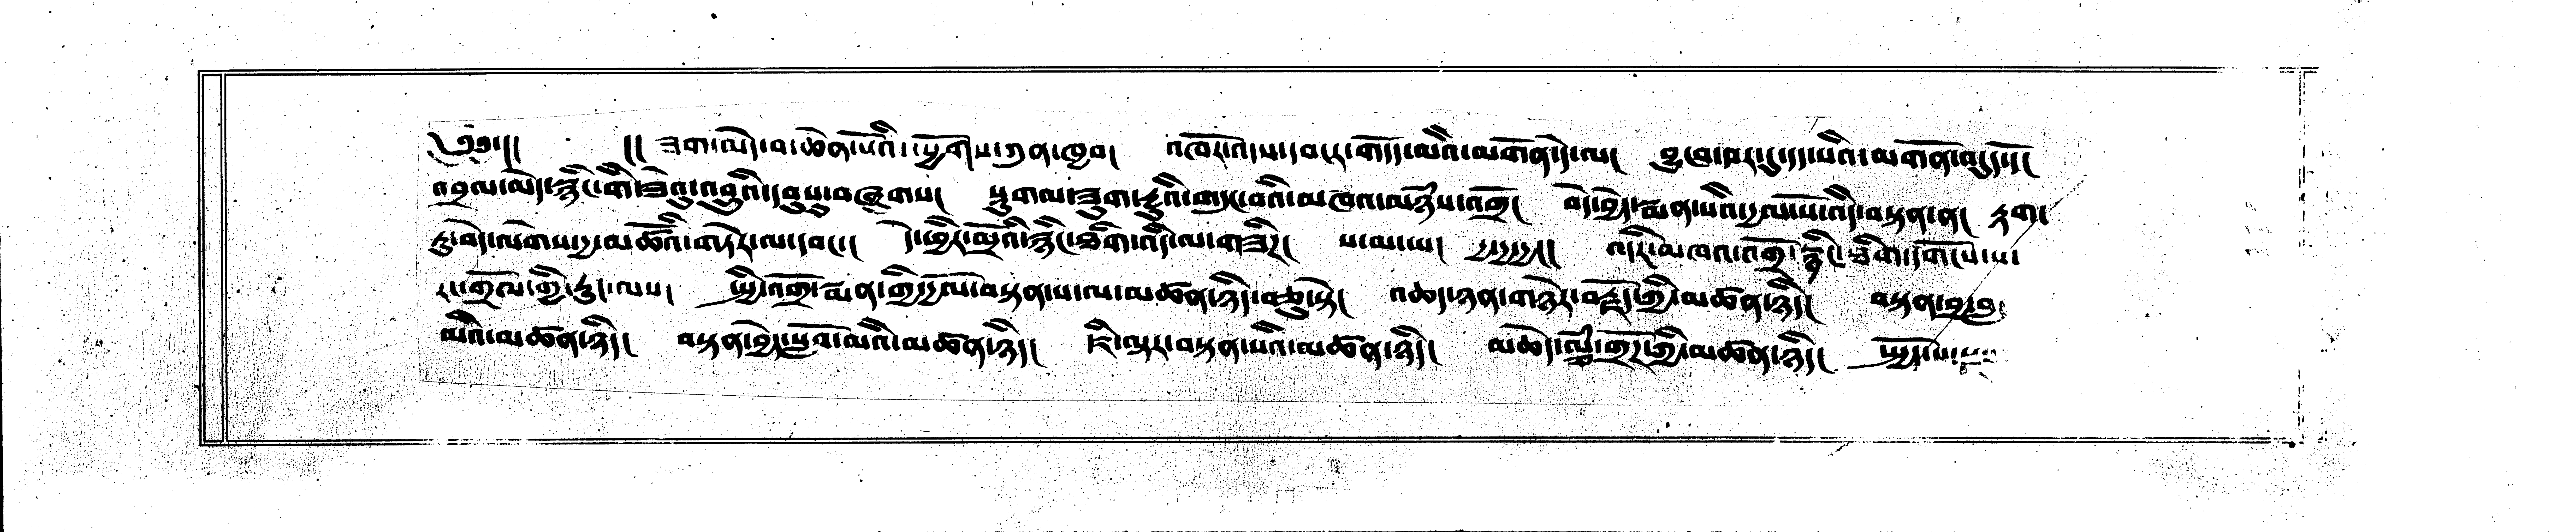༄༅།། །།ཟག་མེད་བདེ་བ་ཆེན་པོའི་ཕྱོགས་ཀུན་ཁྱབ། །འཁོར་འདས་དབང་སྒྱུར་གདོད་མའི་མགོན་དེ་ལ། །བྱང་ཆུབ་བར་དུ་དད་པའི་མགོན་འདུད་དོ། 
།འབྲལ་མེད་སྙིང་གི་ཟེའུ་འབྲུའི་དབུས་སུ་བཞུགས། །སྡུག་བསྔལ་ཟུག་རྔུའི་གདུང་བའི་མཁའ་མཉམ་འགྲོ། །བདེ་བྱེད་སྨན་གྱི་རྒྱལ་པོ་འདི་བསྟན་ན། །རྟག་
ཏུ་བདེ་ལེགས་རྒྱ་མཚོའི་གཏེར་ལ་དབང་། །དེ་ཕྱིར་མཁའ་འགྲོའི་སྙིང་ཐིག་འདི་ལ་གཟིགས། །ས་མ་ཡ། རྒྱ་རྒྱ་རྒྱ། །འདིར་མཁའ་འགྲོ་སྙིང་ཐིག་དགོངས་པ་
རང་གྲོལ་གྱི་རྒྱུད་ལས། སྤྱི་འགྲོ་སྨན་གྱི་རྒྱལ་པོ་བསྟན་པ་ལ་མཚན་ཉིད་བཅུ་སྟེ། འཆད་ཉན་གཉེར་བརྗོད་ཀྱི་མཚན་ཉིད། བསྟེན་བྱ་བླ་མའི་མཚན་ཉིད། སྟེན་བྱེད་སློབ་
མའི་མཚན་ཉིད། ཇི་ལྟར་བསྟེན་པའི་མཚན་ཉིད། མཆེད་ལྕམ་གྲོགས་ཀྱི་མཚན་ཉིད། སྤྱོད་པ་རྫས་